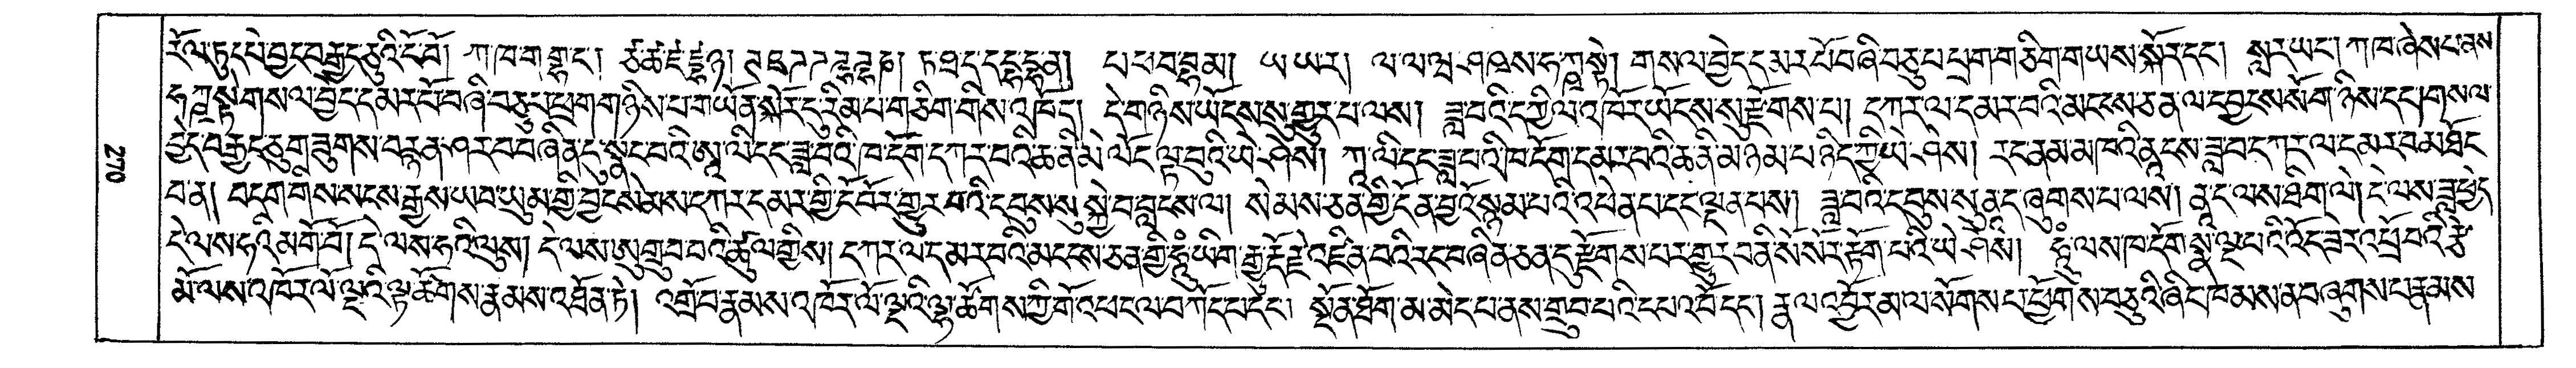རོལ་ཏུ་དཔེ་བྱད་བརྒྱད་ཅུའི་ངོ་བོ། ཀ་ཁ་ག་གྷ་ང་། ཙ་ཚ་ཛ་ཛྷ་ཉ། ཊ་ཐ་ཌ་ཌ་ཌྷ་ཌྷ་ཎ། ཏ་ཐ་ད་ད་དྷ་དྷ་ན། པ་ཕ་བ་བྷ་མ། ཡ་ཡ་ར། ལ་ལ་ཝ་ཤ་ཥ་ས་ཧ་ཀྵ་སྟེ། གསལ་བྱེད་དམར་པོ་བཞི་བཅུ་པ་ཕྲག་གཅིག་གཡས་སྐོར་དང་། སླར་ཡང་། ཀ་ཁ་ཞེས་བ་ནས།
ཧ་ཀྵ་སྟེ་གསལ་བྱེད་དམར་པོ་བཞི་བཅུ་པ་ཕྲག་གཉིས་པ་གཡོན་སྐོར་དུ་རིམ་པ་གཅིག་གིས་འཁོད། དེ་གཉིས་ཡོངས་སུ་གྱུར་པ་ལས། ཟླ་བའི་དཀྱིལ་འཁོར་ཡོངས་སུ་རྫོགས་པ། དཀར་ལ་དམར་པའི་མདངས་ཅན་ལ་དབྱངས་སོ་གཉིས་དང་། གསལ་
བྱེད་བརྒྱད་ཅུ་གཟུགས་བརྙན་ཤར་བ་བཞིན་དུ་སྣང་བའི་ཨཱ་ལི་དང་ཟླ་བའི་ཁ་དོག་དཀར་བའི་ཆ་ནི་མེ་ལོང་ལྟ་བུའི་ཡེ་ཤེས། ཀཱ་ལི་དང་ཟླ་བའི་ཁ་དོག་དམར་བའི་ཆ་ནི་མཉམ་པ་ཉིད་ཀྱི་ཡེ་ཤེས། རང་ནམ་མཁའི་ནཱ་དས་ཟླ་བ་དཀར་ལ་དམར་བ་མཐོང་
བ་ན༑ བདག་གིས་སངས་རྒྱས་ཡབ་ཡུམ་གྱི་བྱང་སེམས་དཀར་དམར་གྱི་ངོ་བོར་གྱུར་བའི་དཔུས་སུ་སྐྱེ་བ་བླངས་ལ། སེམས་ཅན་གྱི་དོན་བྱའོ་སྙམ་པའི་འཕེན་པ་དང་ལྡན་པས། ཟླ་བའི་དབུས་སུ་ནཱ་ད་ཞུགས་པ་ལས། ནཱ་ད་ལས་ཐིག་ལེ། དེ་ལས་ཟླ་ཕྱེད།
དེ་ལས་ཧའི་མགོ་བོ། དེ་ལས་ཧའི་ལུས། དེ་ལས་ཨུ་གྲུབ་པའི་ཚུལ་གྱིས། དཀར་ལ་དམར་བའི་མདངས་ཅན་གྱི་ཧཱུཾ་ཡིག་རྒྱུ་རྡོ་རྗེ་འཛིན་པའི་རང་བཞིན་ཅན་དུ་རྫོགས་པར་གྱུར་པ་ནི་སོ་སོར་རྟོག་པའི་ཡེ་ཤེས། ཧཱུཾ་ལས་ཁ་དོག་སྣ་ལྔ་པའི་འོད་ཟེར་འཕྲོ་བའི་རྩེ་
མོ་ལས་འཁོར་ལོ་ལྔའི་ལྷ་ཚོགས་རྣམས་འཐོན་ཏེ། འགྲོ་བ་རྣམས་འཁོར་ལོ་ལྔའི་ལྷ་ཚོགས་ཀྱི་གོ་འཕད་ལ་བཀོད་པེཨ་དང་། སྔོན་ཐོག་མ་མེད་བ་ནས་གྲུབ་པའི་དཔའ་བོ་དང་། རྣལ་འབྱོར་མ་ལ་སོགས་པ་ཕྱོགས་བཅུའི་ཞིང་ཁམས་ན་བཞུགས་བ་རྣམས་